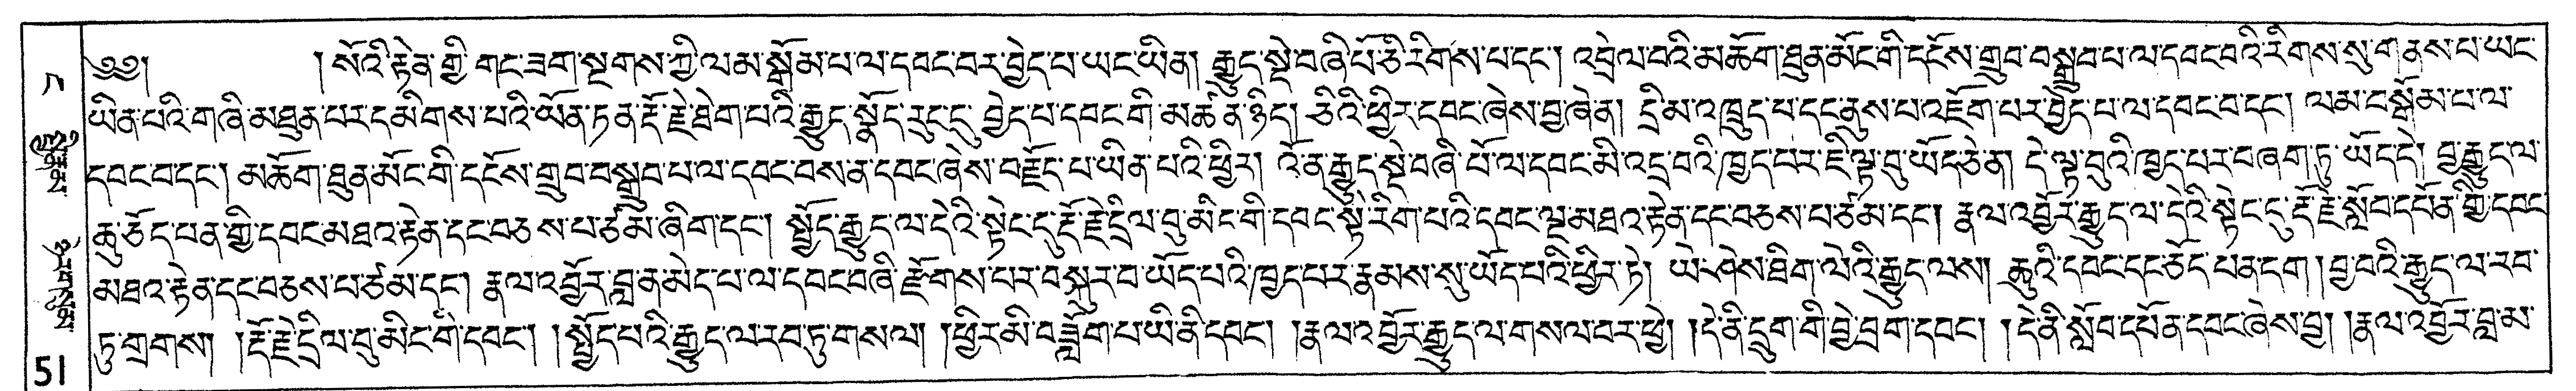༄༅། །སོའི་རྟེན་གྱི་གང་ཟག་སྔགས་ཀྱི་ལམ་སྒོམ་པ་ལ་དབང་བར་བྱེད་པ་ཡང་ཡིན། རྒྱུད་སྡེ་བཞི་པོ་ཅི་རིགས་པ་དང་། འབྲེལ་བའི་མཆོག་ཐུན་མོང་གི་དངོས་གྲུབ་བསྒྲུབ་པ་ལ་དབང་བའི་རིགས་སུ་གནས་པ་ཡང་
ཡིན་པའི་གཞི་མཐུན་པར་དམིགས་པའི་ཡོན་ཏན་རྡོ་རྗེ་ཐེག་པའི་རྒྱུད་སྣོད་རུང་དུ་བྱེད་པ་དབང་གི་མཚན་ཉིད། ཅིའི་ཕྱིར་དབང་ཞེས་བྱ་ཞེ་ན། དྲི་མ་འཁྲུད་པ་དང་ནུས་པ་འཇོག་པར་བྱེད་པ་ལ་དབང་བ་དང་། ལམ་བསྒོམ་པ་ལ་
དབང་བ་དང་། མཆོག་ཐུན་མོང་གི་དངོས་གྲུབ་བསྒྲུབ་པ་ལ་དབང་བས་ན་དབང་ཞེས་བརྗོད་པ་ཡིན་པའི་ཕྱིར། འོ་ན་རྒྱུད་སྡེ་བཞི་པོ་ལ་དབང་མི་འདྲ་བའི་ཁྱད་པར་ཇི་ལྟ་བུ་ཡོད་ཅེ་ན། དེ་ལྟ་བུའི་ཁྱད་པར་བཞག་ཏུ་ཡོད་དེ། བྱ་རྒྱུད་ལ་
ཆུ་ཅོད་པན་གྱི་དབང་མཐའ་རྟེན་དང་བཅས་པ་ཙམ་ཞིག་དང་། སྤྱོད་རྒྱུད་ལ་དེའི་སྟེང་དུ་རྡོ་རྗེ་དྲིལ་བུ་མིང་གི་དབང་སྟེ་རིག་པའི་དབང་ལྔ་མཐའ་རྟེན་དང་བཅས་པ་ཙམ་དང་། རྣལ་འབྱོར་རྒྱུད་ལ་དེའི་སྟེང་དུ་རྡོ་རྗེ་སློབ་དཔོན་གྱི་དབང་
མཐའ་རྟེན་དང་བཅས་པ་ཙམ་དང་། རྣལ་འབྱོར་བླ་ན་མེད་པ་ལ་དབང་བཞི་རྫོགས་པར་བསྐུར་བ་ཡོད་པའི་ཁྱད་པར་རྣམས་སུ་ཡོད་པའི་ཕྱིར་ཏེ། ཡེ་ཤེས་ཐིག་ལེའི་རྒྱུད་ལས། ཆུའི་དབང་དང་ཅོད་པན་དག །བྱ་བའི་རྒྱུད་ལ་རབ་
ཏུ་གྲགས། །རྡོ་རྗེ་དྲིལ་བུ་མིང་གི་དབང་། །སྤྱོད་པའི་རྒྱུད་ལ་རབ་ཏུ་གསལ། །ཕྱིར་མི་བཟློག་པ་ཡི་ནི་དབང་། །རྣལ་འབྱོར་རྒྱུད་ལ་གསལ་བར་ཕྱེ། །དེ་ནི་དྲུག་གི་བྱེ་བྲག་དབང་། །དེ་ནི་སློབ་དཔོན་དབང་ཞེས་བྱ། །རྣལ་འབྱོར་བླ་མ་